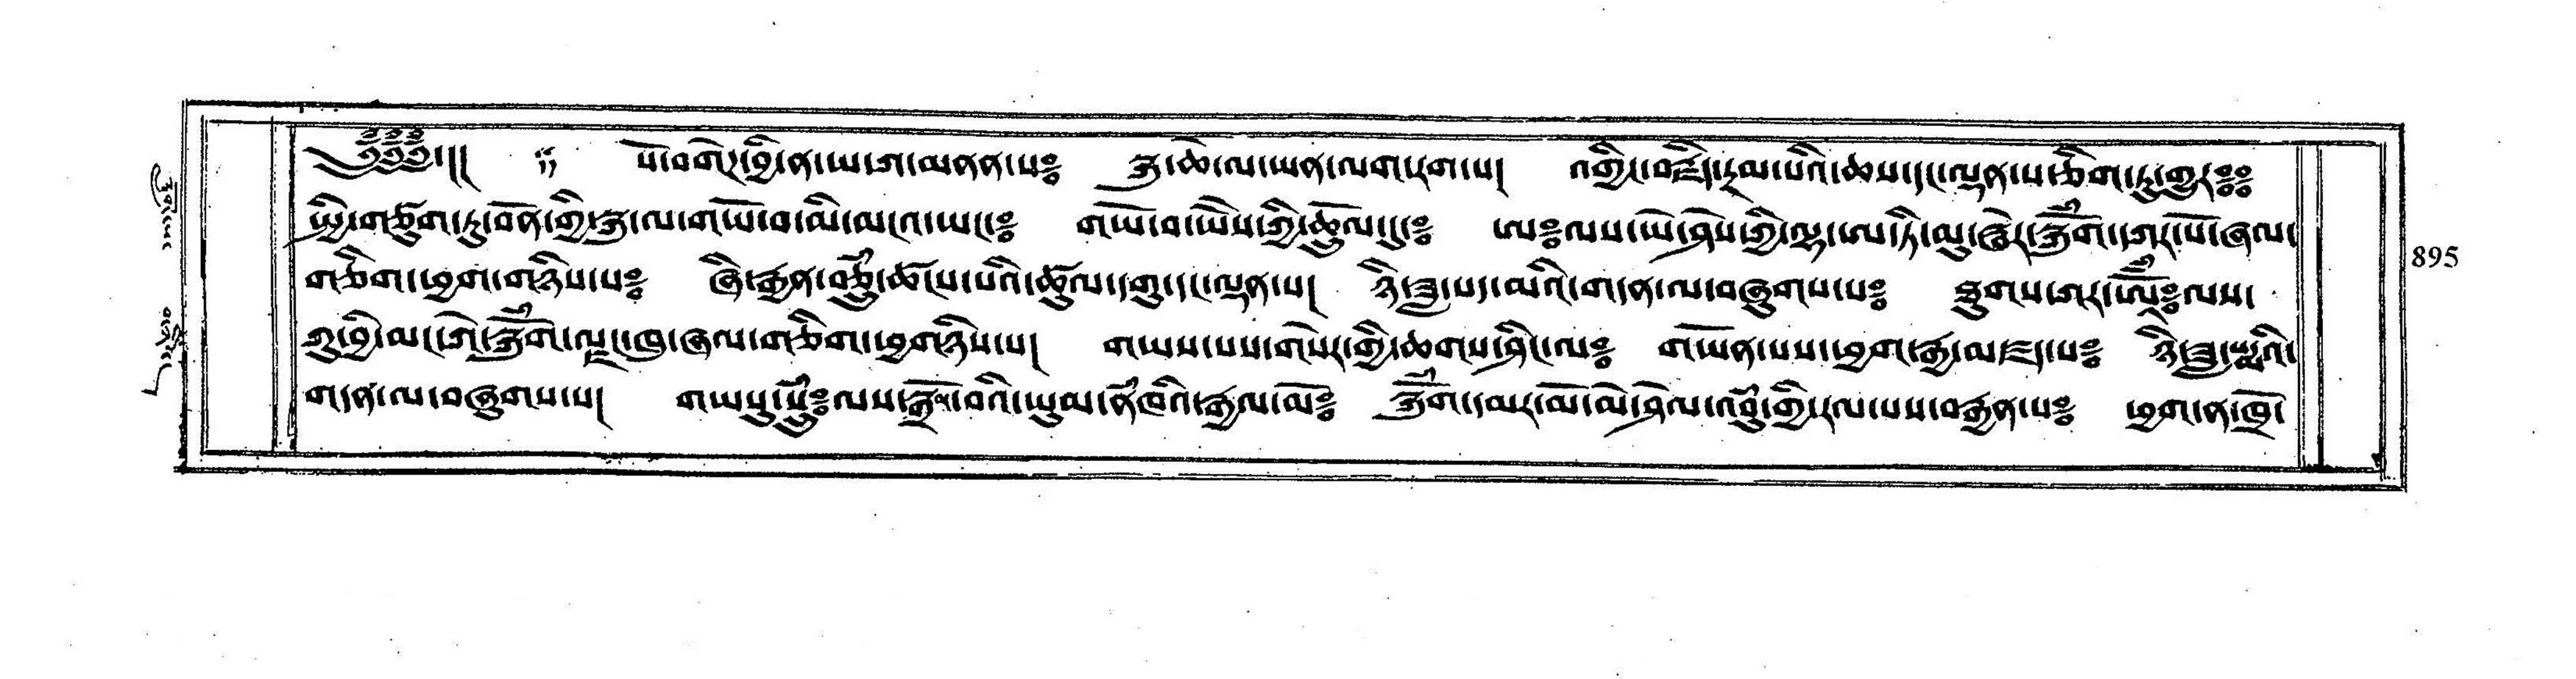སོ་བགེགས་བྱི་ན་ཡ་ཀ་མནན་པ༔ སྐུ་ཆེ་ལ་ཡན་ལག་རག་པ། འགྱིང་བརྗིད་རྔམ་པའི་ཆས་དང་ལྡན་པ་ཅིག་ཏུ་གྱུར༔༔ 
སྤྱི་གཙུག་ཏུ་བོན་གྱི་སྐུ་ལ་གཡོ་བ་མི་མངའ་ཡང་༔ གཡོ་བ་ཡེ་ཤེས་ཀྱི་ཆོ་འཕྲུལ་དུ༔ ཨ༔ལས་ཡེ་ཤེས་ཀྱི་ལྷ་ཨ་ཏི་མུ་ཝེར་སྐུ་མདོག་དཀར་པོ་ཞལ་
གཅིག་ཕྱག་གཉིས་པ༔ ཞི་རྒྱན་བཅུ་གསུམ་ཚངས་པའི་ཚུལ་དགུ་དང་ལྡན་པ། ཉི་ཟླ་པད་མའི་གདན་ལ་བཞུགས་པ༔ ཐུགས་ཀར་ཨཱོཾ༔ལས་
ཀུ་བྱི་མང་ཀེ་སྐུ་མདོག་ལྗང་ཁུ་ཞལ་གཅིག་ཕྱག་གཉིས་པ། གཡས་པས་གསེར་གྱི་ཆགས་ཤིང་ལ༔ གཡོན་པས་ཕྱག་རྒྱ་མཛད་པ༔ ཉི་ཟླ་པདྨའི་
གདན་ལ་བཞུགས་པ། གཡས་སུ་སྲུཾ༔ལས་སྒྲོལ་བའི་ཡུམ་ནམ་མཁའི་རྒྱལ་མོ༔ སྐུ་མདོག་དམར་མོ་མེ་ཤེལ་འབུམ་གྱི་རལ་པས་བརྒྱན་པ༔ ཕྱག་ན་ཁྲོ་